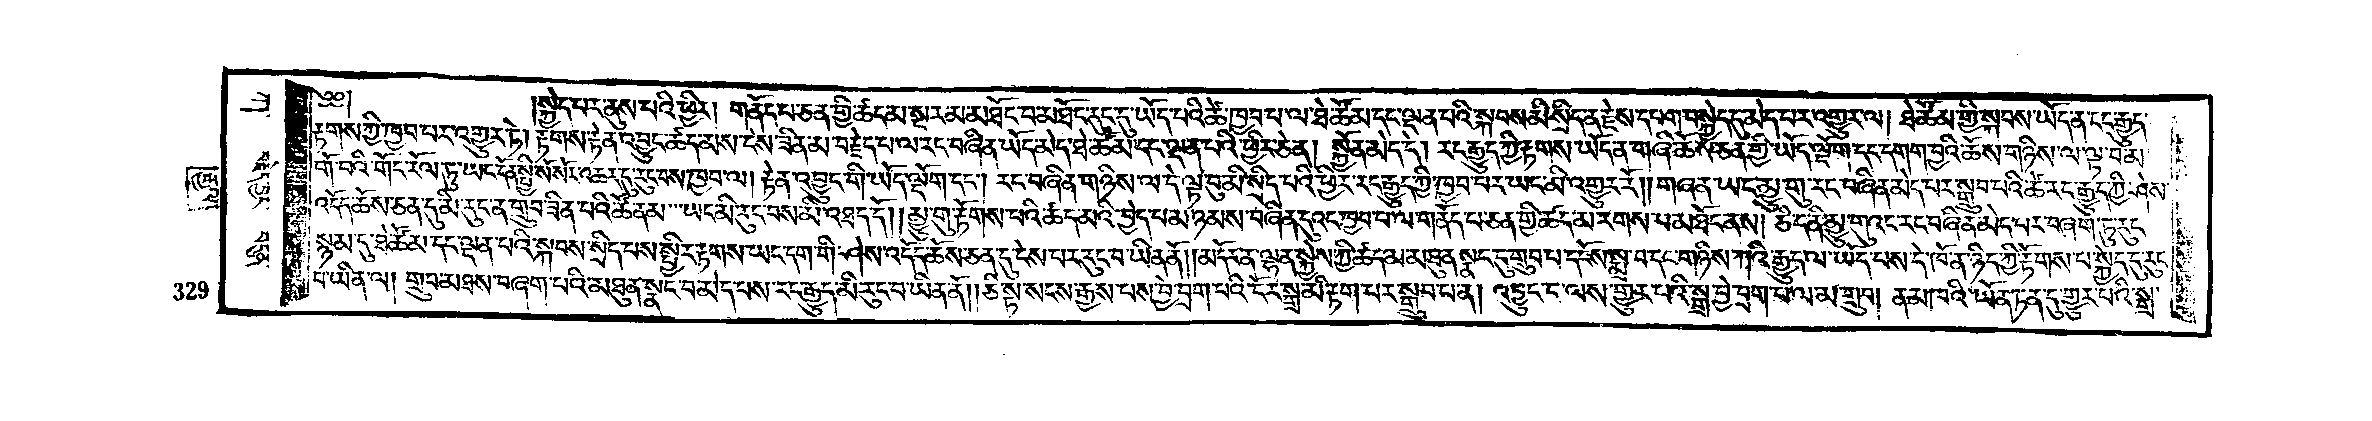༄༅། །སྐྱེད་པར་ནུས་པའི་ཕྱིར། གནོད་པ་ཅན་གྱི་ཚད་མ་སྔར་མ་མཐོང་བ་མཐོང་རུང་དུ་ཡོད་པའི་ཚེ་ཁྱབ་པ་ལ་ཐེ་ཚོམ་དང་ལྡན་པའི་སྐབས་མི་སྲིད་ན་རྗེས་དཔག་བསྐྱེད་དུ་མེད་པར་འགྱུར་ལ། ཐེ་ཚོམ་གྱི་སྐབས་ཡོད་ན་ངང་རྒྱུད་
རྟགས་ཀྱི་ཁྱབ་པར་འགྱུར་ཏེ། རྟགས་རྟེན་འབྱུང་ཚད་མས་ངེས་ཟིན་མ་བརྗེད་པ་ལ་རང་བཞིན་ཡོད་མེད་ཐེ་ཚོམ་དང་ལྡན་པའི་ཕྱིར་ཅེ་ན། སྐྱོན་མེད་དེ། རང་རྒྱུད་ཀྱི་རྟགས་ཡོད་ན་གཞི་ཆོས་ཅན་གྱི་ཡོད་ལྡོག་དང་དགག་བྱའི་ཆོས་གཉིས་ལ་ལྟ་བ་མ་
གོ་བའི་གོང་རོལ་ཏུ་ཡང་དོན་སྤྱི་སོ་སོར་འཆར་དུ་རུང་བས་ཁྱབ་ལ། རྟེན་འབྱུང་གི་ཡོད་ལྡོག་དང་། རང་བཞིན་གཉིས་ལ་དེ་ལྟ་བུ་མི་སྲིད་པའི་ཕྱིར་རང་རྒྱུད་ཀྱི་ཁྱབ་པར་ཡང་མི་འགྱུར་རོ། །གཞན་ཡང་མྱུ་གུ་རང་བཞིན་མེད་པར་སྒྲུབ་པའི་ཚེ་རང་རྒྱུད་ཀྱི་ཤེས་
འདོད་ཆོས་ཅན་དུ་མི་རུང་ནས་གྲུབ་ཟིན་པའི་ཚོ་ནམ་ཡང་མི་རུང་བས་མི་འཐད་དོ། །མྱུ་གུ་རྟོགས་པའི་ཚད་མའི་བྱེད་པ་མ་ཉམས་བཞིན་དུའང་ཁྱབ་པ་ལ་གནོད་པ་ཅན་གྱི་ཚད་མ་རགས་པ་མཐོང་ནས། ཅི་ད་ནི་མྱུ་གུའང་རང་བཞིན་མེད་པར་བཞག་ཏུ་རུང་
སྙམ་དུ་ཐེ་ཚོམ་དང་ལྡན་པའི་སྐབས་སྲིད་པས་སྤྱིར་རྟགས་ཡང་དག་གི་ཤེས་འདོད་ཆོས་ཅན་དུ་ངེས་པར་རུང་བ་ཡིན་ནོ། །མདོར་ན་ལྷན་སྐྱེས་ཀྱི་ཚད་མ་མཐུན་སྣང་དུ་གྲུབ་པ་དངོས་སྨྲ་བ་དང་གཉིས་ཀའི་རྒྱུད་ལ་ཡོད་པས་དེ་ཁོ་ན་ཉིད་ཀྱི་རྟོགས་པ་སྐྱེད་དུ་རུང་
བ་ཡིན་ལ། གྲུབ་མཐས་བཞག་པའི་མཐུན་སྣང་བ་མེད་པས་རང་རྒྱུད་མི་རུང་བ་ཡིན་ནོ། །ཅི་སྟ་སངས་རྒྱས་པས་བྱེ་བྲག་པའི་ངོར་སྒྲ་མི་རྟག་པར་སྒྲུབ་པ་ན། འབྱུང་བ་ལས་གྱུར་པའི་སྒྲ་བྱེ་བྲག་པ་ལ་མ་གྲུབ། ནམ་མཁའི་ཡོན་ཏན་དུ་གྱུར་པའི་སྒྲ་